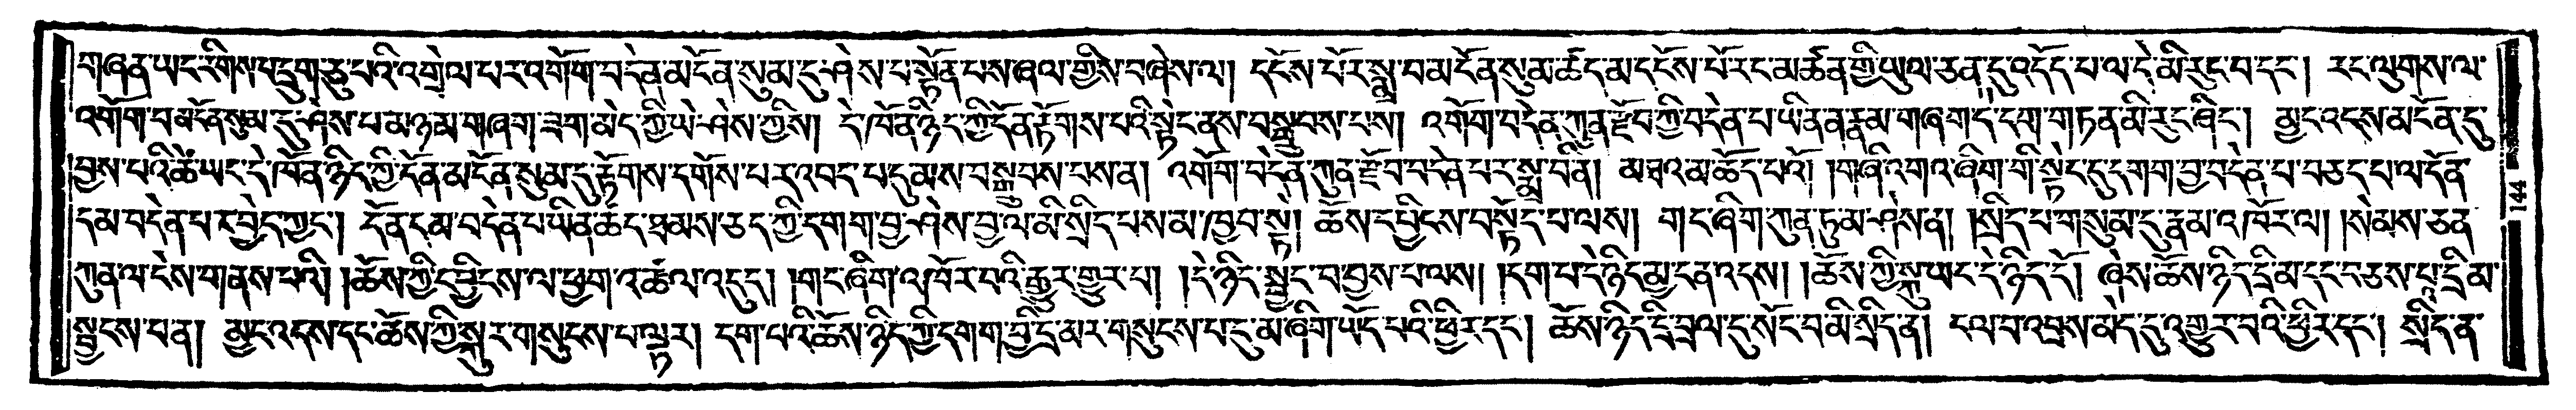གཞན་ཡང་རིགས་པ་དྲུག་ཅུ་པའི་འགྲེལ་པར་འགོག་བདེན་མངོན་སུམ་དུ་ཤེས་པ་སྟོན་པས་ཞལ་གྱིས་བཞེས་ལ། དངོས་པོར་སྨྲ་བ་མངོན་སུམ་ཚད་མ་དངོས་པོ་རང་མཚན་གྱི་ཡུལ་ཅན་དུ་འདོད་པ་ལ་དེ་མི་རུང་བ་དང་། རང་ལུགས་ལ་
འགོག་པ་མངོན་སུམ་དུ་ཤེས་པ་མཉམ་གཞག་ཟག་མེད་ཀྱི་ཡེ་ཤེས་ཀྱིས། །དེ་ཁོ་ན་ཉིད་ཀྱི་དོན་རྟོགས་པའི་སྟེང་ནས་བསྒྲུབས་པས། འགོག་བདེན་ཀུན་རྫོབ་ཀྱི་བདེན་པ་ཡིན་ན་རྣམ་གཞག་དེ་དག་གཏན་མི་རུང་ཞིང་། མྱང་འདས་མངོན་དུ་
བྱས་པའི་ཚེ་ཡང་དེ་ཁོ་ན་ཉིད་ཀྱི་དོན་མངོན་སུམ་དུ་རྟོགས་དགོས་པར་འབད་པ་དུ་མས་བསྒྲུབས་པས་ན། འགོག་བདེན་ཀུན་རྫོབ་བདེན་པར་སྨྲ་བ་ནི། མཐའ་མ་ཆོད་པའོ། །གཞི་འགའ་ཞིག་གི་སྟེང་དུ་དགག་བྱ་བདེན་པ་བཅད་པ་ལ་དོན་
དམ་བདེན་པར་བྱེད་ཀྱང་། དོན་དམ་བདེན་པ་ཡིན་ཚད་ཐམས་ཅད་ཀྱི་དགག་བྱ་ཤེས་བྱ་ལ་མི་སྲིད་པས་མ་ཁྱབ་སྟེ། ཆོས་དབྱིངས་བསྟོད་པ་ལས། གང་ཞིག་ཀུན་ཏུ་མ་ཤེས་ན། །སྲིད་པ་གསུམ་དུ་རྣམ་འཁོར་ལ། །སེམས་ཅན་
ཀུན་ལ་ངེས་གནས་པའི། །ཆོས་ཀྱི་དབྱིངས་ལ་ཕྱག་འཚལ་འདུད། །གང་ཞིག་འཁོར་བའི་རྒྱུར་གྱུར་པ། །དེ་ཉིད་སྤྱད་པ་བྱས་པ་ལས། །དག་པ་དེ་ཉིད་མྱང་ངན་འདས། །ཆོས་ཀྱི་སྐུ་ཡང་དེ་ཉིད་དོ། ཞེས་ཆོས་ཉིད་དྲི་མ་དང་བཅས་པའི་དྲི་མ་
སྦྱངས་པ་ན། མྱང་འདས་དང་ཆོས་ཀྱི་སྐུར་གསུངས་པ་ལྟར། དག་པའི་ཆོས་ཉིད་ཀྱི་དགག་བྱ་དྲི་མར་གསུངས་པ་དུ་མ་ཞིག་ཡོད་པའི་ཕྱིར་དང་། ཆོས་ཉིད་དྲི་བྲལ་དུ་སོང་བ་མི་སྲིད་ན། ངལ་བ་འབྲས་མེད་དུ་འགྱུར་བའི་ཕྱིར་དང་། སྲིད་ན་